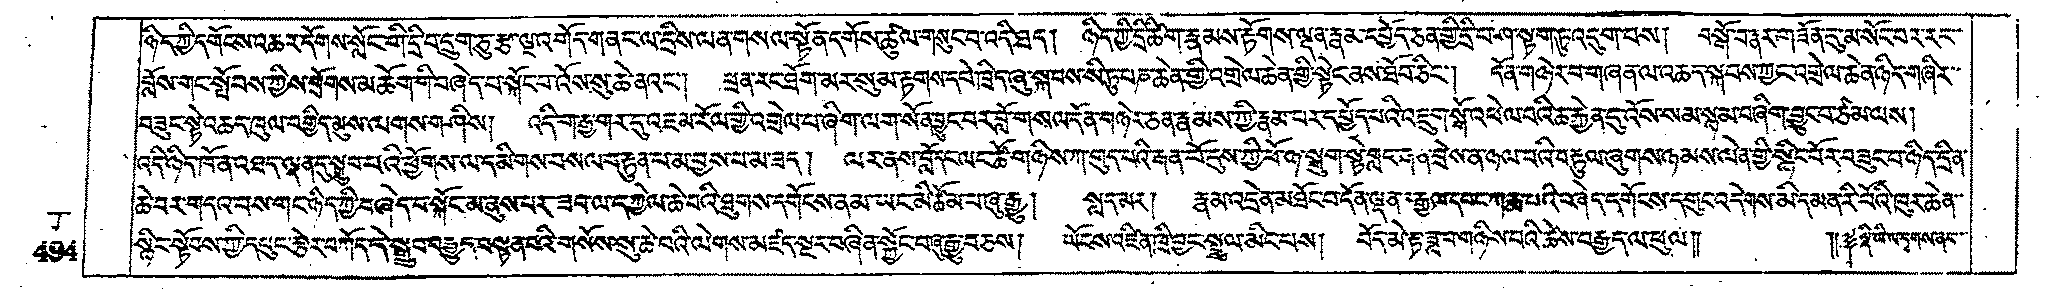ཉིད་ཀྱི་དགོངས་འཆར་དོགས་སློང་གི་དྲི་བ་དྲུག་ཅུ་རྩ་ལྔ་འགོད་གནང་ལ་དྲིས་ལན་གསལ་སྟོན་དགོས་ཚུལ་གསུང་བ་འདི་ཐད། ཉིད་ཀྱི་དྲི་ཚིག་རྣམས་རྟོགས་ལྡན་རྣམ་དཔྱོད་ཅན་གྱི་དྲི་བ་ཤ་སྟག་ཏུ་འདུག་པས། བསྒོ་བ་རྣར་གཟོན་དུ་མ་སོང་བར་རང་་་
བློས་གང་སྤོབས་ཀྱིས་གྲོགས་མཆོག་གི་བཞེད་པ་སྐོང་བ་འོས་སུ་ཆེ་ནའང་། ཕྲན་རང་ཐོག་མར་སུམ་རྟགས་དཔེ་ཁྲིད་ཞུ་སྐབས་སི་ཏུ་པཎ་ཆེན་གྱི་འགྲེལ་ཆེན་གྱི་སྟེང་ནས་ཐོབ་ཅིང་། དོན་གཉེར་བ་གཞན་ལ་འཆད་སྐབས་ཀྱང་འགྲེལ་ཆེན་ཉིད་གཞིར་་་
བཟུང་སྟེ་འཆད་ཁུལ་བགྱིད་མུས་ལགས་གཤིས། འདི་ག་རྒྱ་གར་དུ་འཇམ་རོལ་གྱི་འགྲེལ་པ་ཞིག་ལག་སོན་བྱུང་བར་བློ་གསལ་དོན་གཉེར་ཅན་རྣམས་ཀྱི་རྣམ་པར་དཔྱོད་པའི་འཇུག་སྒོ་འཕེལ་བའི་ཆ་རྐྱེན་དུ་འོས་སམ་སྙམ་བ་ཞིག་བྱུང་བ་ཙམ་ལས།
འདི་ཉིད་ཁོ་ན་འཐད་ལྡན་དུ་སྒྲུབ་པའི་ཕྱོགས་ལ་དམིགས་བསལ་བརྟུན་པ་མ་བྱས་པ་མ་ཟད། ལར་ནས་བློ་དང་ལང་ཚོ་གཉིས་ཀ་གུད་པའི་རྒན་པོ་དུས་ཀྱི་ཕོ་ཉ་སྒུག་སྟེ་གླང་རྒན་བྲེས་ན་ཉལ་བའི་བརྟུལ་ཞུགས་ཉམས་ལེན་གྱི་སྙིང་པོར་བཟུང་བ་ཉིད་དྲིན་
ཆེ་བར་གདའ་བས་གང་ཉིད་ཀྱི་བཞེད་པ་སྐོང་མ་ནུས་པར་ཟབ་ལ་དཀྱེལ་ཆེ་བའི་ཐུགས་དགོངས་ནམ་ཡང་མི་ཚོམ་པ་ཞུ་རྒྱུ། སླད་མར། རྣམ་འདྲེན་མཐོང་བ་དོན་ལྡན ༧རྒྱལ་དབང་ཀརྨ་པའི་བཞེད་དགོངས་དགུང་འདེགས་མི་དམན་རི་བོའི་ཁུར་ཆེན་་་
སྙིང་སྟོབས་ཀྱི་དཔུང་རྩེར་བཀོད་དེ་སྒྲུབ་བརྒྱུད་བསྟན་པའི་གསོས་སུ་ཆེ་བའི་ལེགས་མཛད་སྔར་བཞིན་སྐྱོང་བ་ཞུ་རྒྱུ་བཅས། ཡོངས་འཛིན་ཁྲི་བྱང་སྤྲུལ་མིང་པས། བོད་མེ་རྟ་ཟླ་བ་གཉིས་པའི་ཚེས་བརྒྱད་ལ་ཕུལ།། །། འ་ལྡི་ལི་ལ་དྭགས་ནང་་་